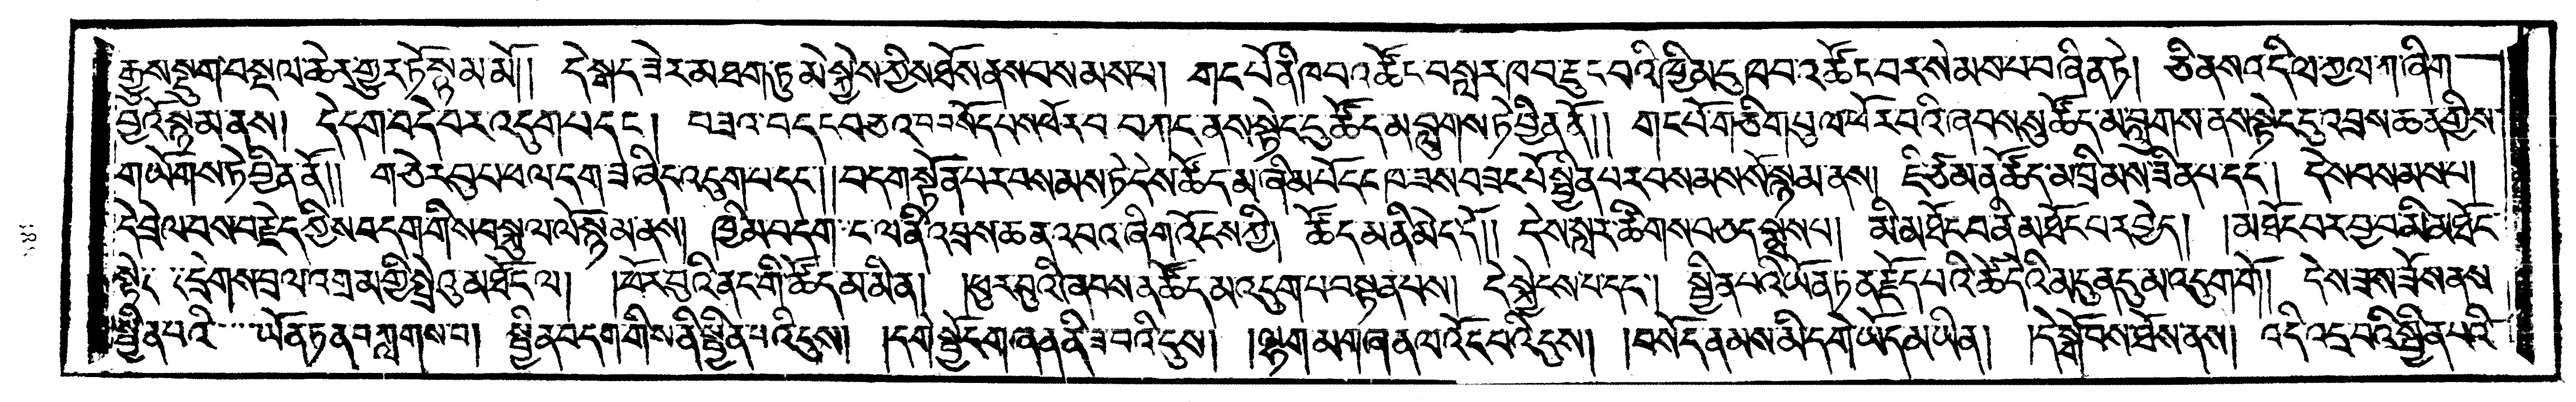རྒྱུས་སྡུག་བསྔལ་ཆེར་གྱུར་ཏོ་སྙམ་མོ།། དེ་སྒད་ཟེར་མཐག་ཏུ་མེ་སྐྱེས་ཀྱིས་ཐོས་ནས་བསམས་པ། གང་པོ་ནི་ཁབ་འཚོང་བསླར་ཁབ་རྡུང་བའི་ཁྱིམ་དུ་ཁབ་འཚོང་བར་སེམས་པ་བཞིན་ཏེ། ཅི་ནས་འདི་ལ་ཀྱལ་ཀ་ཞིག་
བྱའོ་སྙམ་ནས། དེ་དག་བདེ་བར་འདུག་པ་དང་། བཟའ་བ་དང་བཅའ་བ་བསོད་པས་ཕོར་བ་བཀང་ནས་སྟེང་དུ་ཚོད་མ་བླུགས་ཏེ་བྱིན་ནོ།། གང་པོ་གཅིག་པུ་ལ་ཕོར་བའི་ཞབས་སུ་ཚོད་མ་བླུགས་ནས་སྟེང་དུ་འབྲས་ཆན་གྱིས་
གཡོགས་ཏེ་བྱིན་ནོ།། གཅེར་བུ་པ་ཕལ་དག་ཟ་ཞིང་འདུག་པ་དང་། །བདག་སྟོན་པར་བསམས་ཏེ་དེས་ཚོད་མ་ཞིམ་པོ་དང་ཁ་ཟས་བཟང་པོ་སྦྱིན་པར་བསམས་སོ་སྙམ་ནས། ཇི་ཙམ་ན་ཚོད་མ་བྲིམས་ཟིན་པ་དང་། དེས་བསམས་པ།
དེ་བྲེལ་བས་བརྗེད་ཀྱིས་བདག་གིས་བསྐུལ་ལོ་སྙམ་ནས། ཁྱིམ་བདག་ང་ལ་ནི་འབྲས་ཆན་འབའ་ཞིག་འོངས་ཀྱི། ཚོད་མ་ནི་མེད་དོ།། དེས་སླར་ཚིགས་བཅད་སྨྲས་པ། མི་མཐོང་བ་ནི་མཐོང་པར་བྱེད། །མཐོང་བར་བྱ་བ་མི་མཐོང་
སྟེ༑ ༑དྲེགས་བྲལ་འགྲམ་གྱི་སྤྲེའུ་མཐོང་ལ། །ཕོར་བུའི་ནང་གི་ཚོད་མ་མིན། །ཕུར་བུའི་ཞབས་ན་ཚོད་མ་འདུག་པ་བསྟན་པས། དེ་སྐྱེངས་པ་དང་། སྦྱིན་པའི་ཡོན་ཏན་རྗོད་པའི་ཚེ་དེའི་མདུན་དུ་མ་འདུག་གོ། དེས་ཟས་ཟོས་ནས་
སྦྱིན་པའི་ཡོན་ཏན་བཀླགས་བ། སྦྱིན་བདག་གིས་ནི་སྦྱིན་པའི་དུས། །དགེ་སྦྱོང་གཞན་ནི་ཟ་བའི་དུས། །ལྷག་མ་གཞན་ལ་འོང་བའི་དུས། །བསོད་ནམས་མི་དགེ་ཡོད་མ་ཡིན། །དེ་སྒོ་བས་ཐོས་ནས། འདི་འདྲ་བའི་སྦྱིན་པའི་